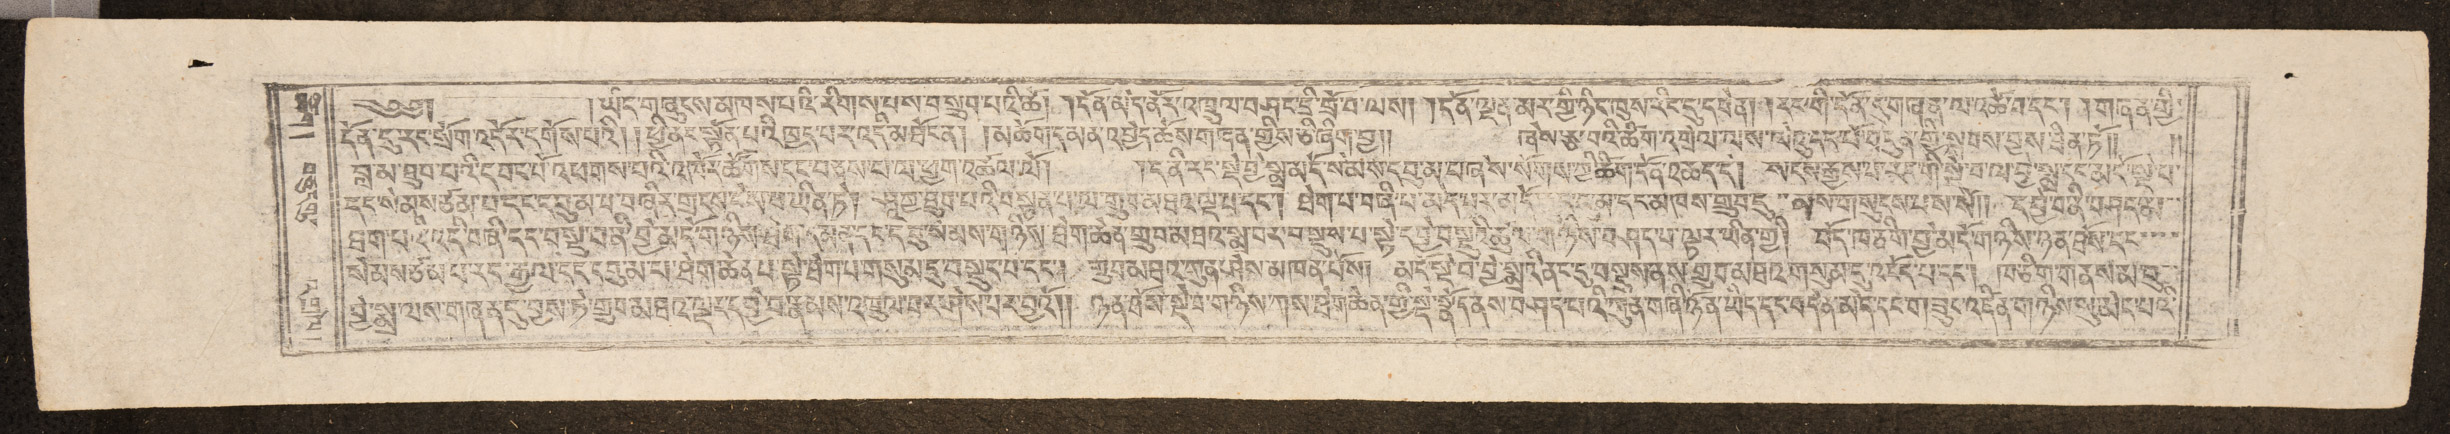༄༅། །ཡིད་གཞུངས་མཁས་པའི་རིགས་པས་བསྲུབ་པའི་ཚེ། །དོན་མེད་ནོར་འཁྲུལ་བཤད་དྲི་བྲོ་བ་ལས། །དོན་ལྡན་མར་གྱི་ཉིད་ཁུས་རིང་དུ་དབེན། །རང་གི་དོན་དུ་གཞན་ལ་འཚོ་བ་དང་། །གཞན་གྱི་
དོན་དུ་རང་སྲོག་འདོར་དགོས་པའི། །ཕྱི་ནང་སྟོན་པའི་ཁྱད་པར་འདི་མཐོང་ན། །མཆོག་དམན་འབྱེད་ཆོས་གཞན་གྱིས་ཅི་ཞིག་བྱ།། ཞེས་རྩ་བའི་ཚིག་འགྲེལ་ལས་ལེའུ་དང་པོ་བདུན་གྱི་སྐབས་བྱས་ཟིན་ཏོ།། །།
བླ་མ་ཐུབ་པའི་དབང་པོ་འཕགས་པའི་འཁོར་ཚོགས་དང་བཅས་པ་ལ་ཕྱག་འཚལ་ལོ། །ད་ནི་རང་སྡེ་བྱེ་སྨྲ་མདོ་སེམས་དབུ་མ་བཞེས་སོགས་ཀྱི་ཚིག་དོན་འཆད་དེ། སངས་རྒྱས་པ་རང་གི་སྡེ་བ་ལ་བྱེ་སྨྲ་དང་མདོ་སྡེ་པ་
དང་སེམས་ཙམ་པ་དང་དབུ་མ་པ་བཞིར་གྲངས་ངེས་པ་ཡིན་ཏེ། ཤཱཀྱ་ཐུབ་པའི་བསྟན་པ་ལ་གྲུབ་མཐའ་ལྔ་པ་དང་། ཐེག་པ་བཞི་པ་མེད་པར་མདོ་རྒྱུད་དུ་མ་དང་མཁས་གྲུབ་དུ་མས་གསུངས་པས་སོ།། དབྱེ་བ་ནི་བཤད་མ་
ཐག་པའི་འདི་བཞི་དང་བསྡུ་བ་ནི་བྱེ་མདོ་གཉིས་ཐེག་དམན་དང་དབུ་སེམས་གཉིས་ཐེག་ཆེན་གྲུབ་མཐའ་སྨྲ་བར་བསྡུས་པ་སྟེ་དབྱེ་བསྡུའི་ཚུལ་གཉིས་བཤད་པ་ལྟར་ཡིན་གྱི། བོད་ཁ་ཅིག་བྱེ་མདོ་གཉིས་ཉན་ཐོས་དང་
སེམས་ཙམ་པ་རང་རྒྱལ་དང་དབུ་མ་པ་ཐེག་ཆེན་པ་སྟེ་ཐེག་པ་གསུམ་དུ་བསྡུས་པ་དང་། གྲུབ་མཐའ་ཀུན་ཤེས་མཁན་པོས། མདོ་སྡེ་པ་བྱེ་སྨྲའི་ནང་དུ་བསྡུས་ནས་གྲུབ་མཐའ་གསུམ་དུ་འདོད་པ་དང་། ཁ་ཅིག་གནས་མ་བུ་
བྱེ་སྨྲ་ལས་གཞན་དུ་བྱས་ཏེ་གྲུབ་མཐའ་ལྡར་དབྱེ་བ་རྣམས་འཁྲུལ་བར་ཤེས་པར་བྱའོ།། ཉན་ཐོས་སྡེབ་གཉིས་ཀས་ཐེག་ཆེན་གྱི་སྡེ་སྣོད་ནས་བཤད་པའི་ཀུན་གཞི་ཉོན་ཡིད་དང་བདེན་མེད་དང་གཟུང་འཛིན་གཉིས་སུ་མེད་པའི་